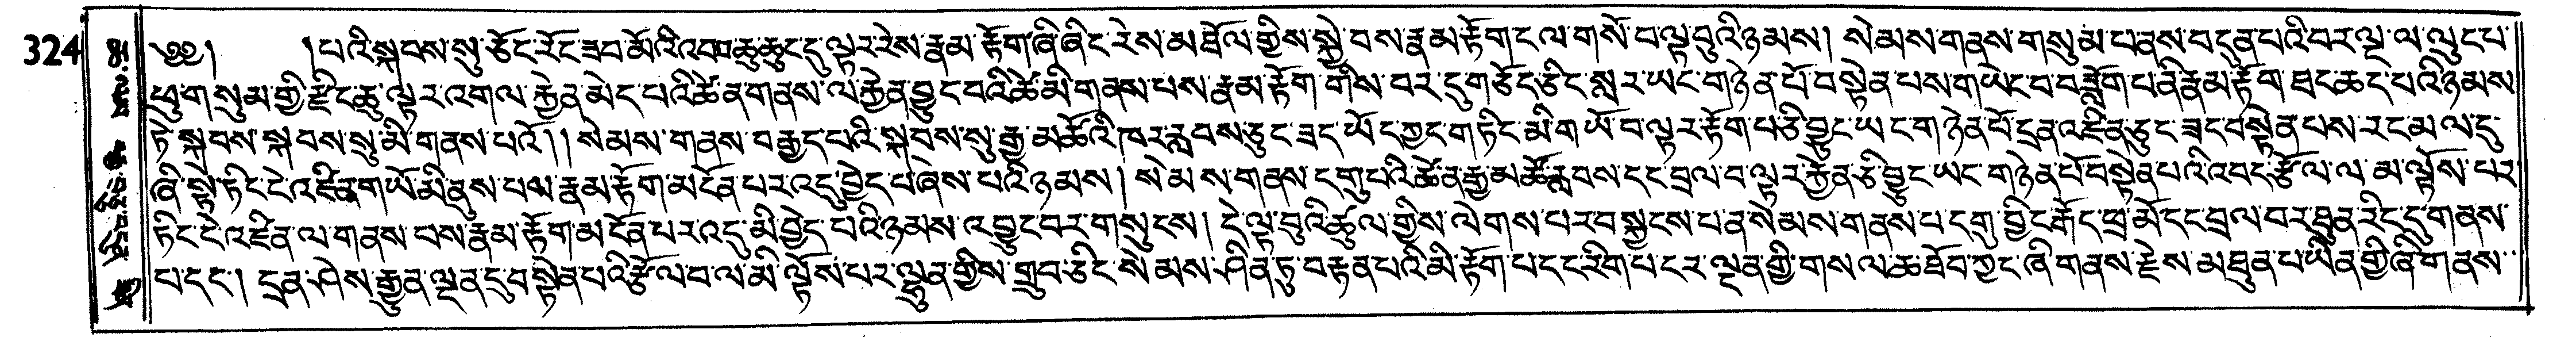༄༅། །པའི་སྐབས་སུ་ཅོང་རོང་ཟབ་མོའི་འབབ་ཆུ་ཆུང་དུ་ལྟར་རེས་རྣམ་རྟོག་ཞི་ཞིང་རེས་མཐོལ་གྱིས་སྐྱེ་བས་རྣམ་རྟོག་ངལ་གསོ་བ་ལྟ་བུའི་ཉམས། སེམས་གནས་གསུམ་པ་ནས་བདུན་པའི་བར་ལྔ་ལ་ལུང་པ་
ཕུ་གསུམ་གྱི་རྫིང་ཆུ་ལྟར་འགལ་རྐྱེན་མེད་པའི་ཚེ་ན་གནས་ལ་རྐྱེན་བྱུང་བའི་ཚེ་མི་གནས་པས་རྣམ་རྟོག་གིས་བར་དུ་གཅོད་ཅིང་སླར་ཡང་གཉེན་པོ་བསྟེན་པས་གཡེང་བ་བཟློག་པ་ནི་རྣམ་རྟོག་ཐང་ཆད་པའི་ཉམས་
ཏེ་སྐབས་སྐབས་སུ་མི་གནས་པའོ། །སེམས་གནས་བརྒྱད་པའི་སྐབས་སུ་རྒྱུ་མཚོའི་ཁར་རླབས་ཅུང་ཟད་ཡོད་ཀྱང་གཏིང་མི་གཡོ་བ་ལྟར་རྟོག་པ་ཅི་བྱུང་ཡང་གཉེན་པོ་དྲན་འཛིན་ཅུང་ཟད་བསྟེན་པས་རང་མལ་དུ་
ཞི་སྟེ་ཏིང་ངེ་འཛིན་གཡོ་མི་ནུས་པས་རྣམ་རྟོག་མངོན་པར་འདུ་བྱེད་པ་ཞེས་པའི་ཉམས། སེམས་གནས་དགུ་པའི་ཚེ་ན་རྒྱ་མཚོ་རླབས་དང་བྲལ་བ་ལྟར་རྐྱེན་ཅི་བྱུང་ཡང་གཉེན་པོ་བསྟེན་པའི་འབད་རྩོལ་ལ་མ་ལྟོས་པར་
ཏིང་ངེ་འཛིན་ལ་གནས་པས་རྣམ་རྟོག་མངོན་པར་འདུ་མི་བྱེད་པའི་ཉམས་འབྱུང་བར་གསུངས། དེ་ལྟ་བུའི་ཚུལ་གྱིས་ལེགས་པར་བསྐྱངས་པ་ན་སེམས་གནས་པ་དགུ་བྱིང་རྒོད་ཕྲ་མོ་དང་བྲལ་བར་ཐུན་རིང་དུ་གནས་
པ་དང་། དྲན་ཤེས་རྒྱུན་ལྡན་དུ་བསྟེན་པའི་རྩོལ་བ་ལ་མི་ལྟོས་པར་ལྷུན་གྱིས་གྲུབ་ཅིང་སེམས་ཤིན་ཏུ་བརྟན་པའི་མི་རྟོག་པ་དང་རིག་པ་ངར་ལྡན་གྱི་གསལ་ཆ་ཐོབ་ཀྱང་ཞི་གནས་རྗེས་མཐུན་པ་ཡིན་གྱི་ཞི་གནས་